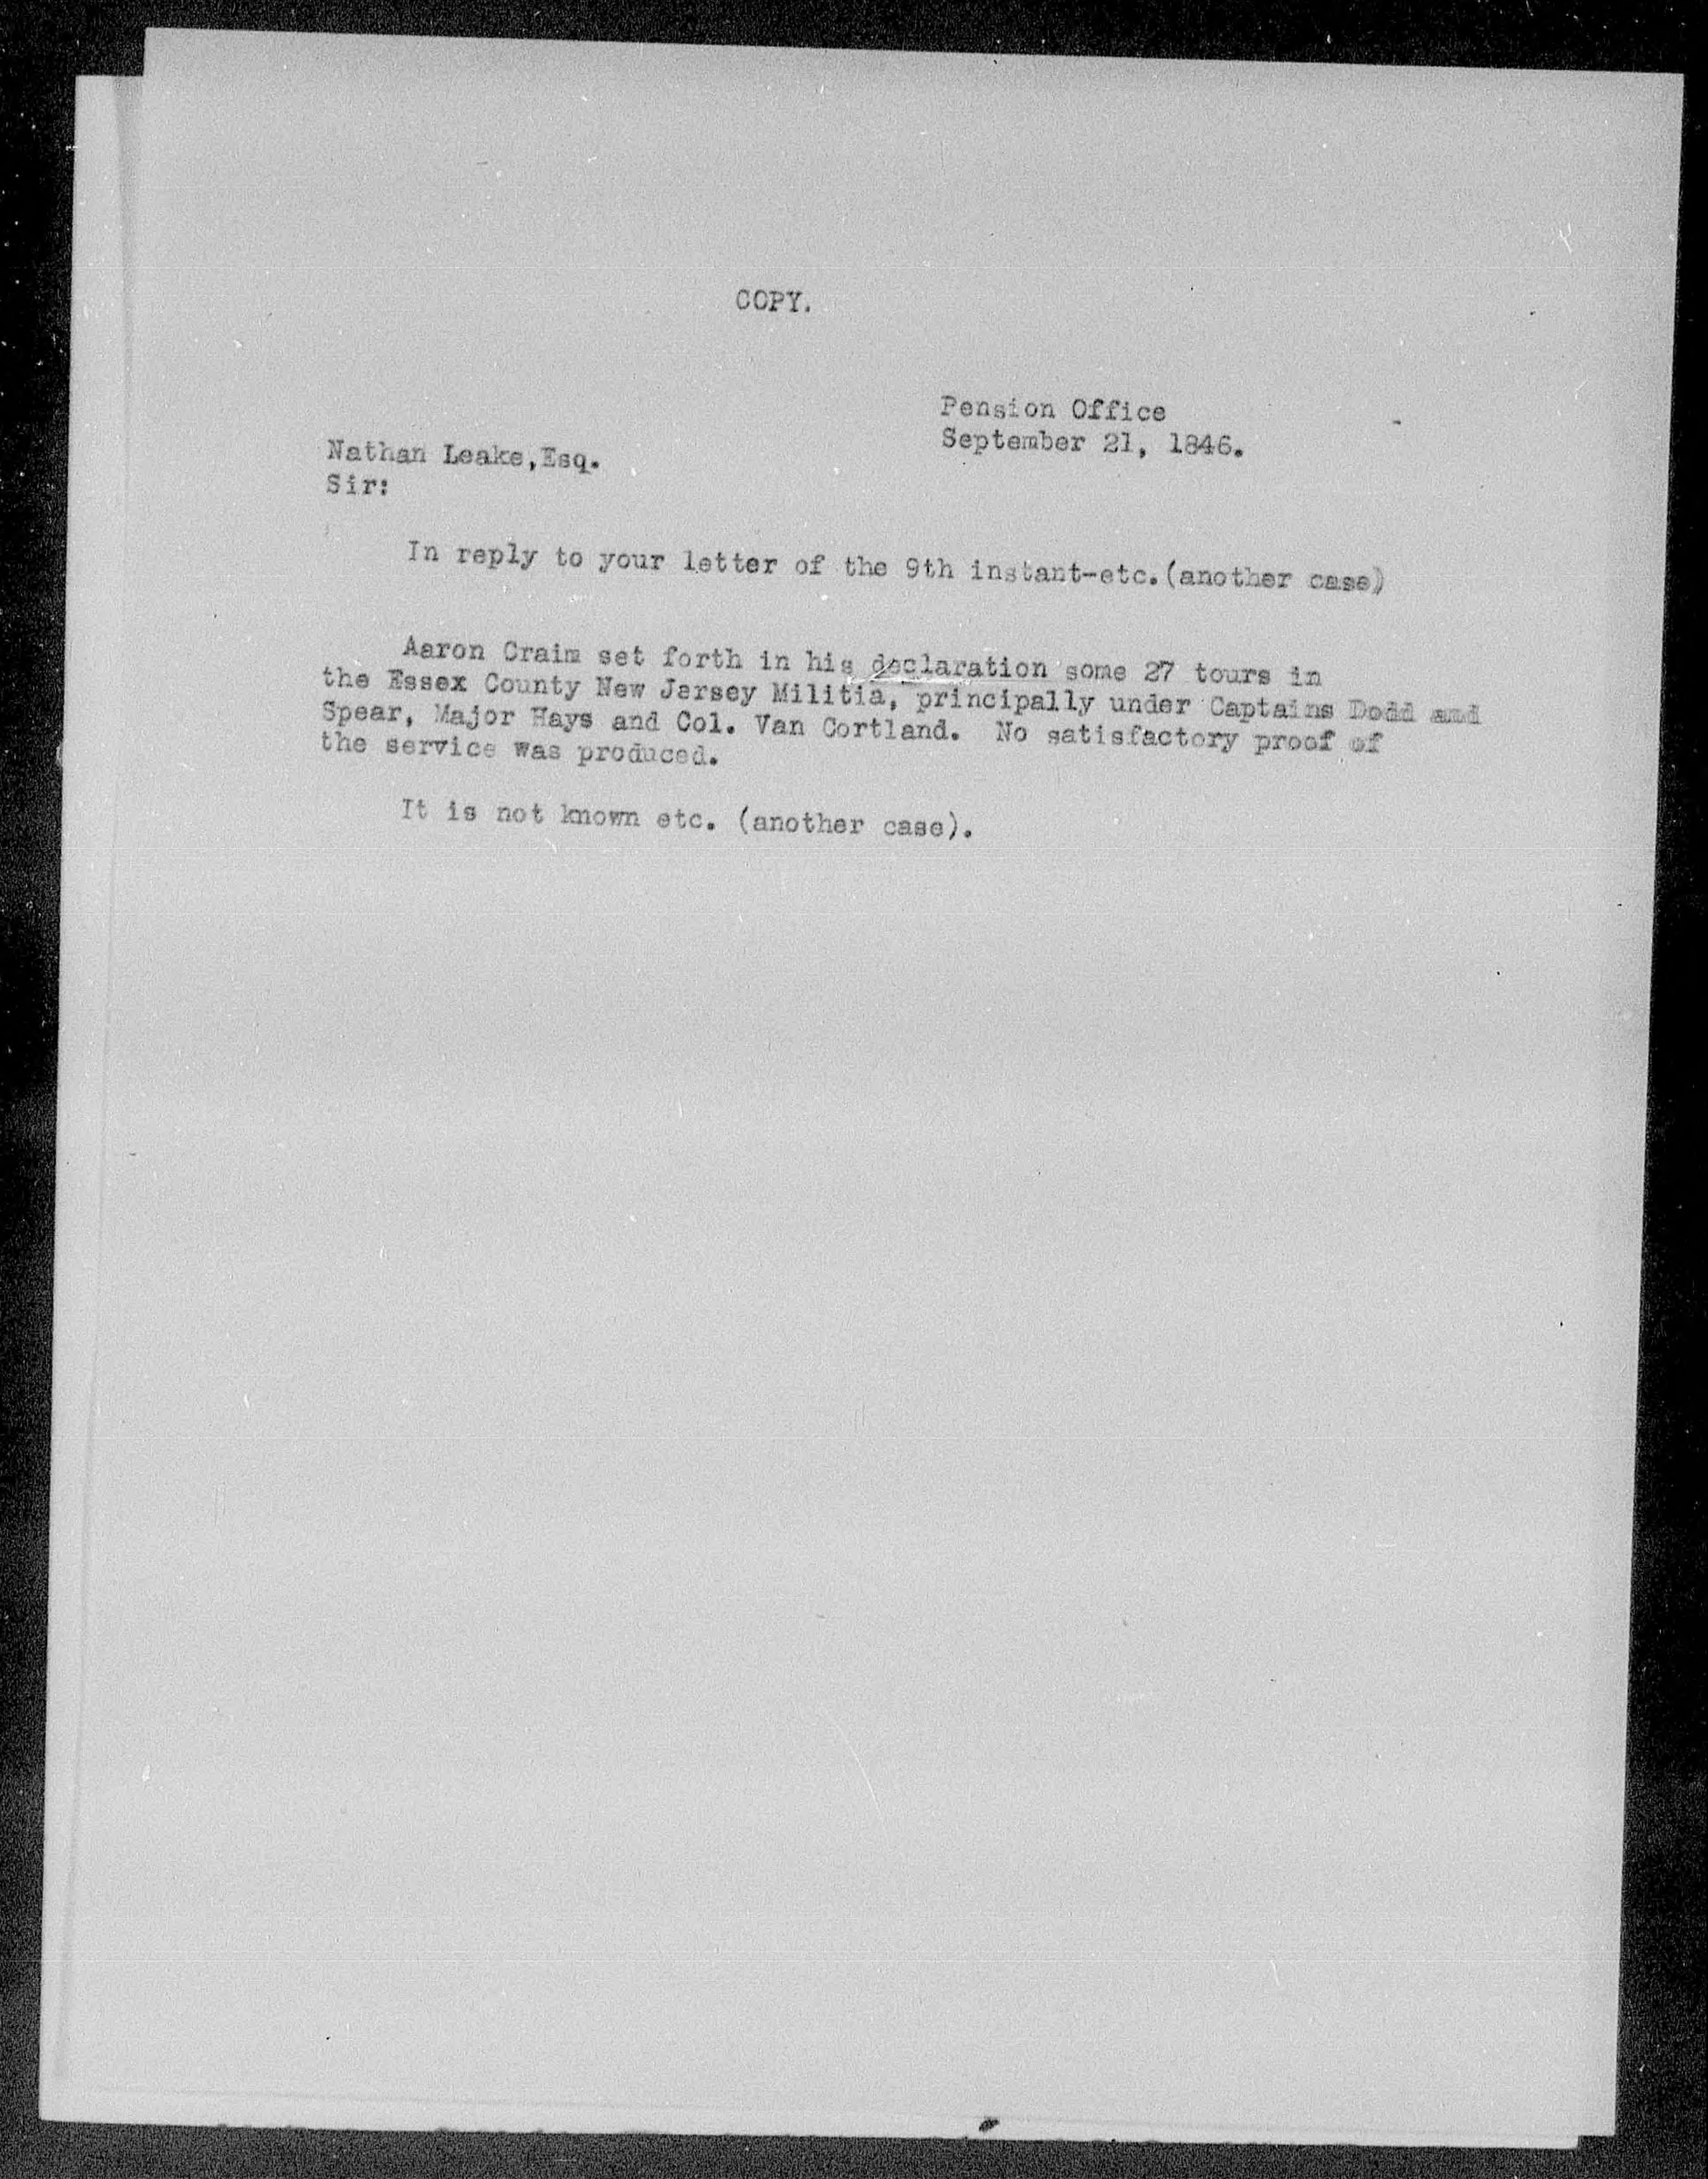COPY.


                                                                                                                   Pension Office
Natan Leake, Esq.                                                                              September 21, 1846


Sir:

In reply to your letter of the 9th instance - etc. (another case)

Aaron Craim set forth in his declaration some 27 tours in
the Essex County New Jersey Milita, principally under Captain Dodd and
Spear, Major Hays and Col. Van Cortland.  No satisfactory proof of 
the service was produced

It is not known etc. (another case).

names: Van Cortland, Dodd, Aaron Craim, Nathan Leake, Hays, Spear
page: 27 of 32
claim: rejected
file: R. 2441, Aaron Crane, New Jersey